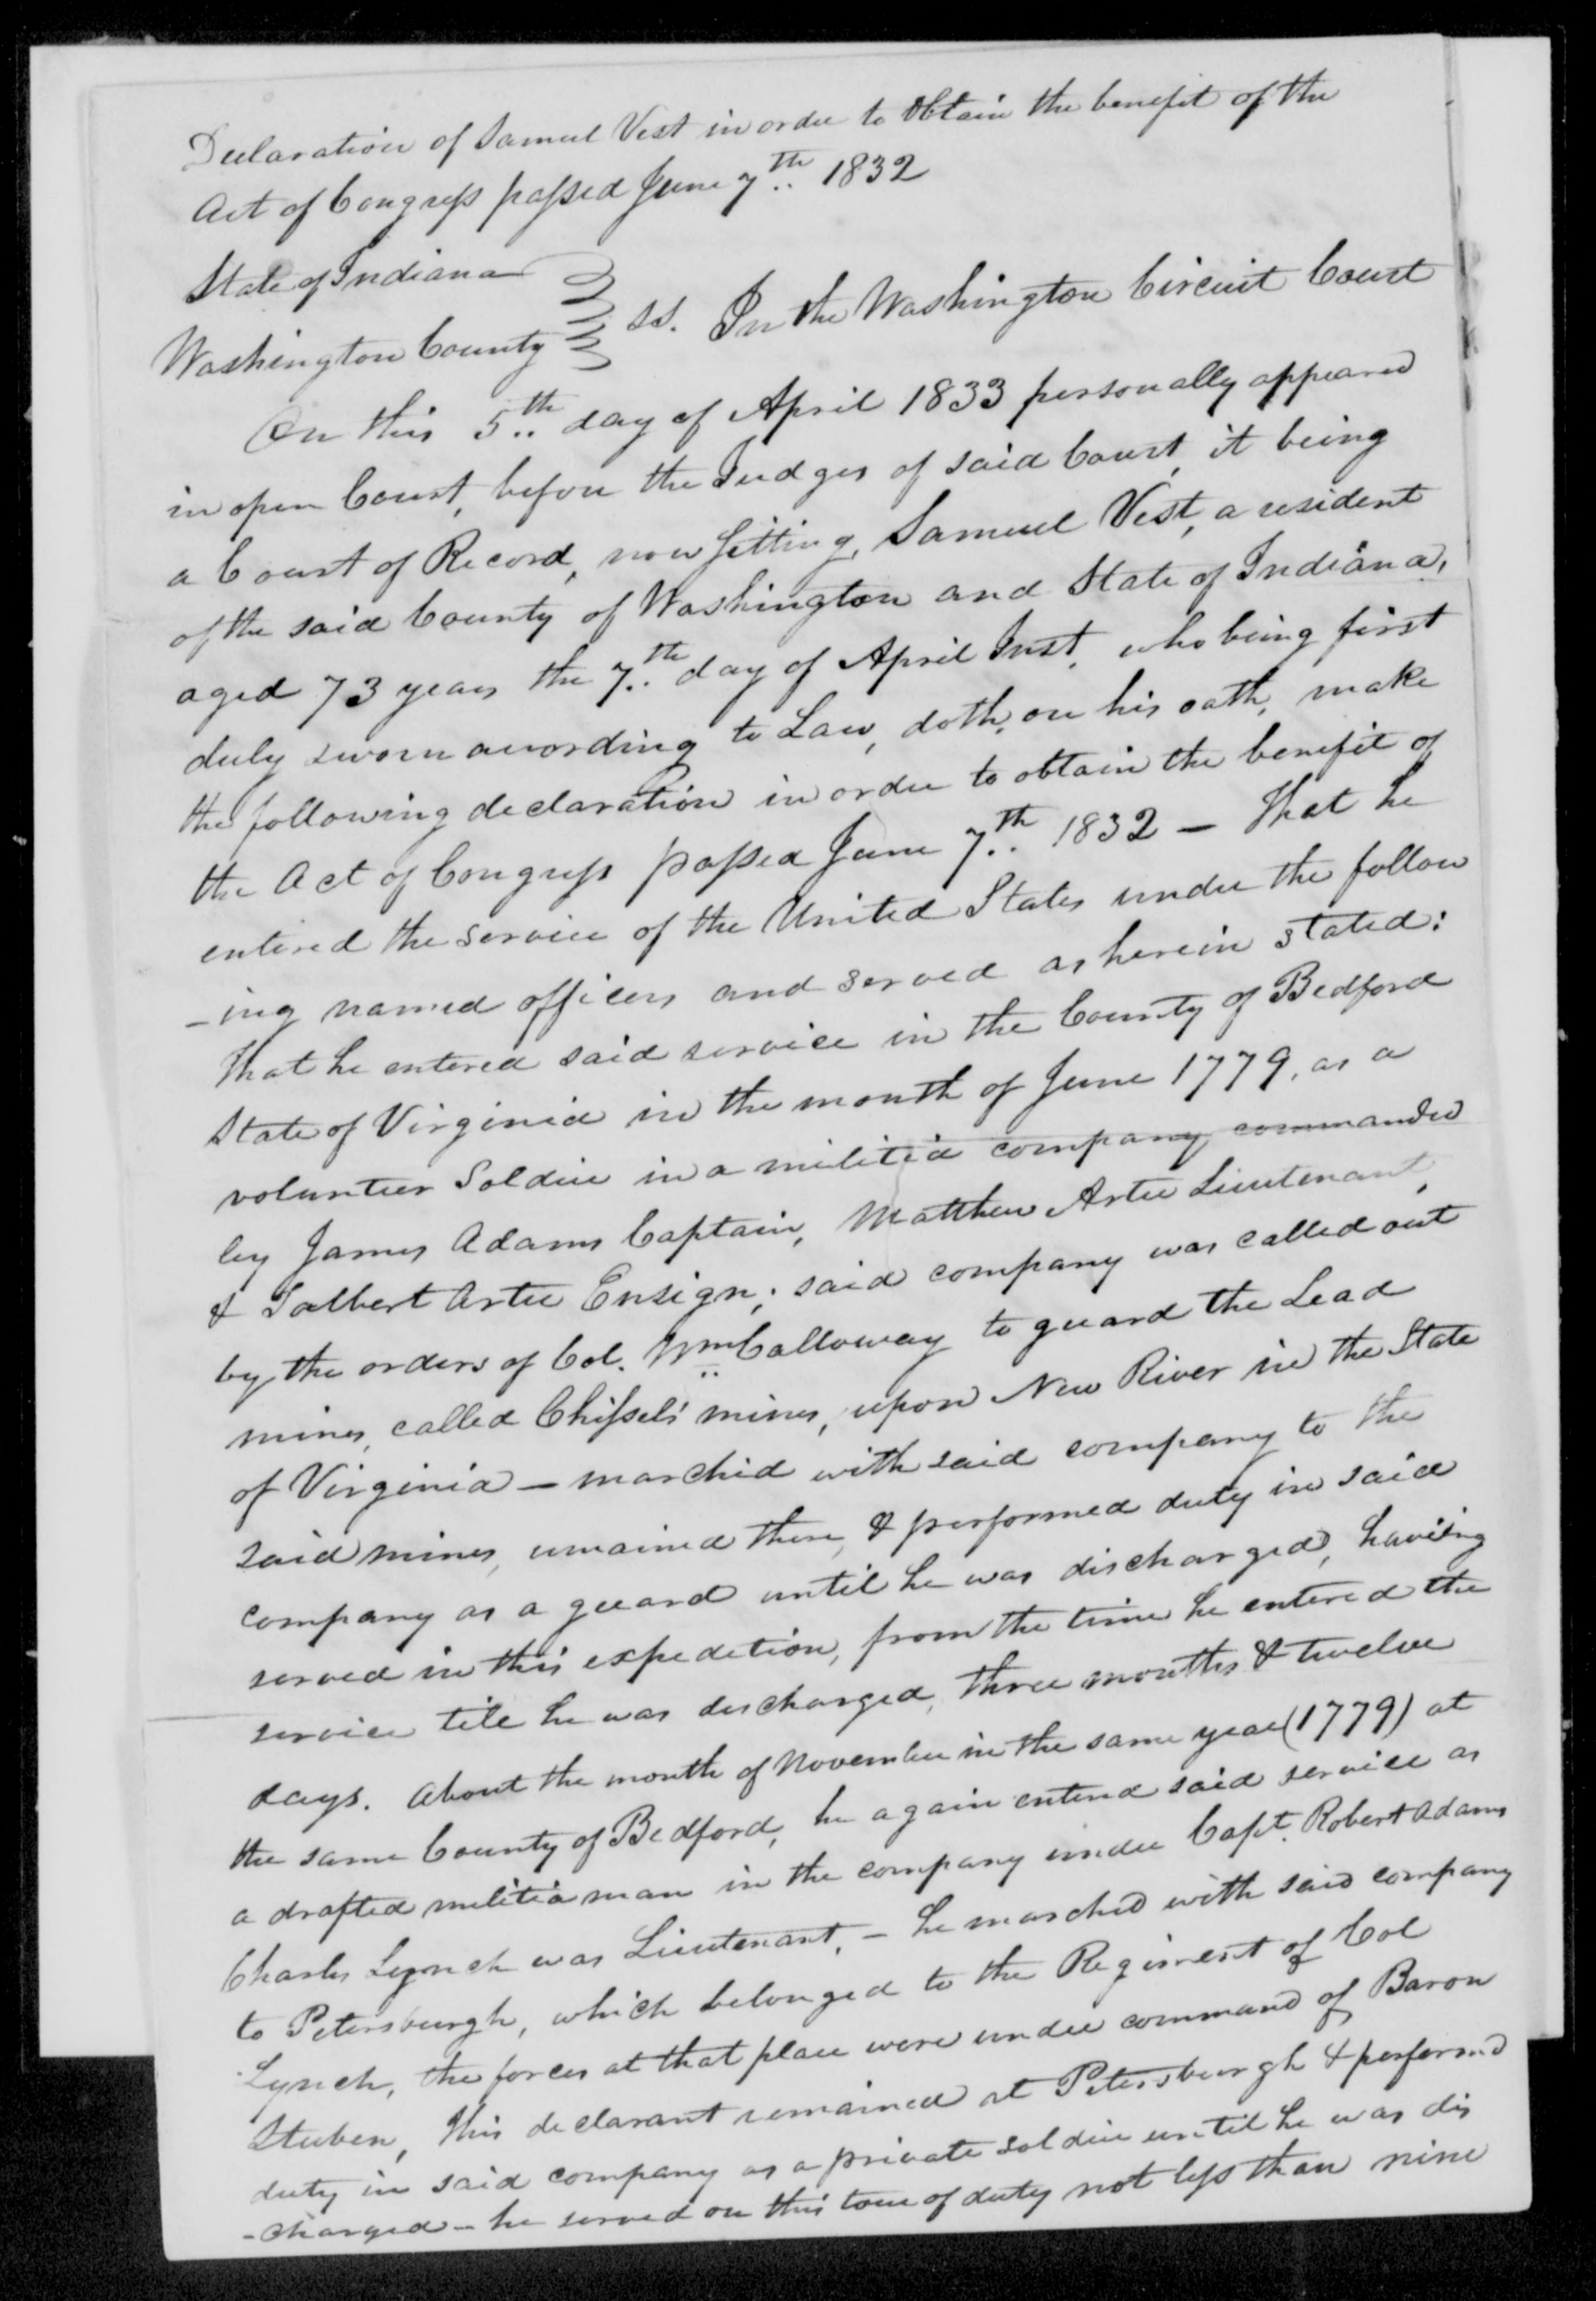Declaration of Samuel Vest in order to obtain the benefit of the Act of Congress passed June 7th 1832
State of Indiana} 
Washington County} SS: In the Washington Circuit Court On this 5th day of April 1833 personally appeared in open Court, before the Judges of said Court, it being a Court of record, now sitting, Samuel Vest, a resident of said County of Washington and State of Indiana, aged seventy-three years, the 7th day of April last, who being first duly sworn according to law, doth, on his oath, make the following declaration in order to obtain the benefit of the Act of Congress passed June 7th 1832 - That he entered the said service of the United States under the following named officers and served as herein stated: 
That he entered the service in the County of Bedford State of Virginia in the month of June 1779 as a volunteer Soldier in a militia company commanded by James Adams Captain, Matthew Arter Lieutenant, & Talbert Arter Ensign; said company was called out by the order of Col. Wm Calloway [William Callaway] to guard the Lead mines called Chissel's mines [Chiswell], upon New River in the State of Virginia – marched with said company to the said mines, remained there, & performed duty in said company as a guard until he was discharged, having served in this expedition, from the time he entered the service till he was discharged, three months & twelve days. About the month of November in the same year (1779) at the same County of Bedford, he again entered the service as a drafted militia man in the company under Capt. Robert Adams, Charles Lynch was Lieutenant, – he marched with said company to Petersburg, which belonged to the Regiment of Col Lynch, the forces at that place were under command of Baron Stuben [Baron von Steuben]. This declarant remained at Petersburg & performed duty in said company as a private soldier until he was discharged – he served on this tour of duty not less than nine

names: Matthew Artee, Talbert Artee, Samuel Vest, James Adams, Robert Adams, Baron Stuben, Wm Callaway, Lynch, Charles Lynch, Samuel Vest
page: 4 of 15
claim: survivor's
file: S. 16,563, Samuel Vest, Va.